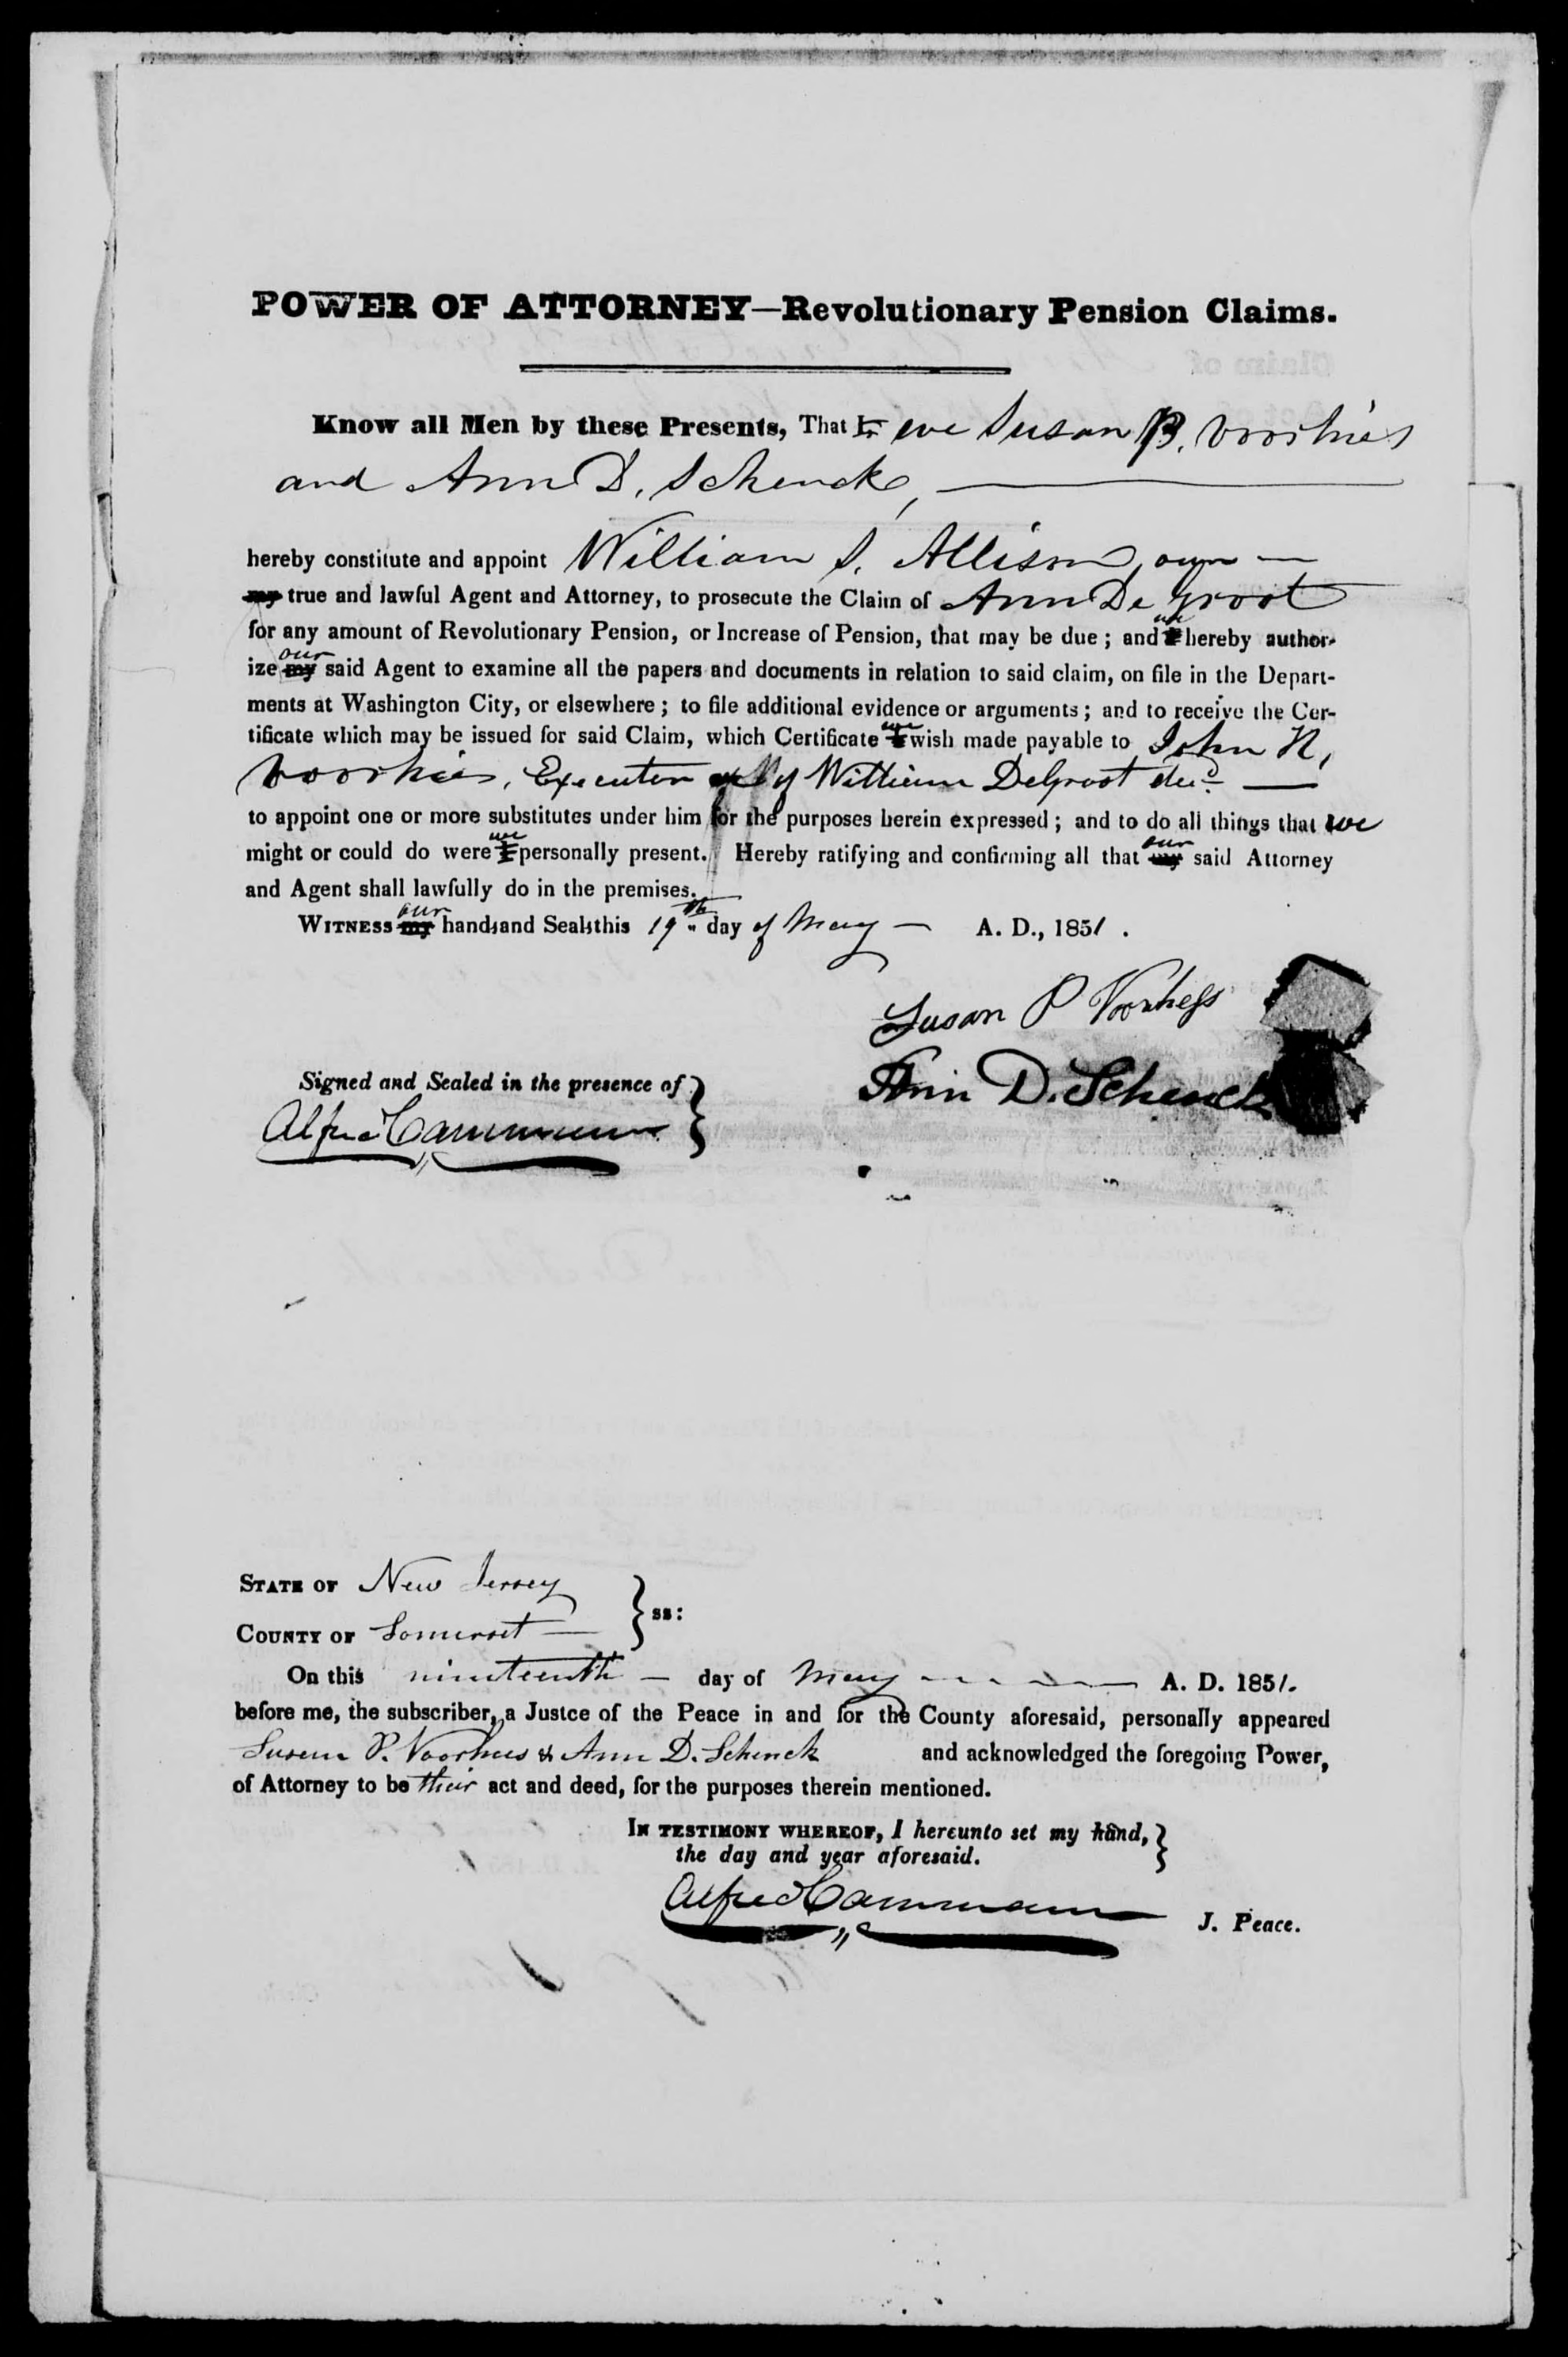POWER OF ATTORNEYL -- Revolutionary Pension Claims.
Know all Men by these presents, That we Susan B. Voorhies and Ann S. Schenck hereby constitute and appoint William S. Allison our true and lawful Agent and Attorney, to prosecute the Claim of Ann De Groot for any amount of Revolutionary Pension, or Increase of Pension, that may be due; and we hereby authorize our said Agent to examine all the papers and documents in relation to said claim, on file in the Department at Washington City, or elsewhere; to file additional evidence or arguments; and to receive the Certificate which may be issued for said Claim, which Certificate we wish made payable to John R. Voorhees, executor of William DeGroot decd -- to appoint one or more substitutes under him for the purposes herein expressed; and to do all things that we might or could do were we personally present. Hereby ratifying and confirming all that our said Attorney and Agent shall lawfully do in the premises. 
WITNESS our hands and seals this 19th day of May -- A.D., 1851.  Susan P Voorhees Ann D Schenck
Signed and Sealed in the presence of Alfred Cammann}
STATE OF New Jersey COUNTY OF Somerset} ss:
On this nineteenth day of May A.D. 1851 before me, the subscriber, a Justice of the Peace in and for the County aforesaid, personally appeared Susan P. Voorhees + Ann D. Schenck and acknowledged the foregoing Power of Attorney to be their act and deed, for the purposes therein mentioned.
IN TSTIMONY WHEREOF, I hereunto set my hand, the day and year aforesaid.} Alfred Cammann J Peace.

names: Alfred Cammann, William S Allison, Ann De Groot, Susan B Voorhies, Ann D Schenck, William De Groot, Ann D Schenck, Susan P Voorhees, John H Voorhies, Ann D Schenck, Susan P Voorhess, Alfred Cammann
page: 16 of 77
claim: widow's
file: W. 417, William De Groot, New Jersey